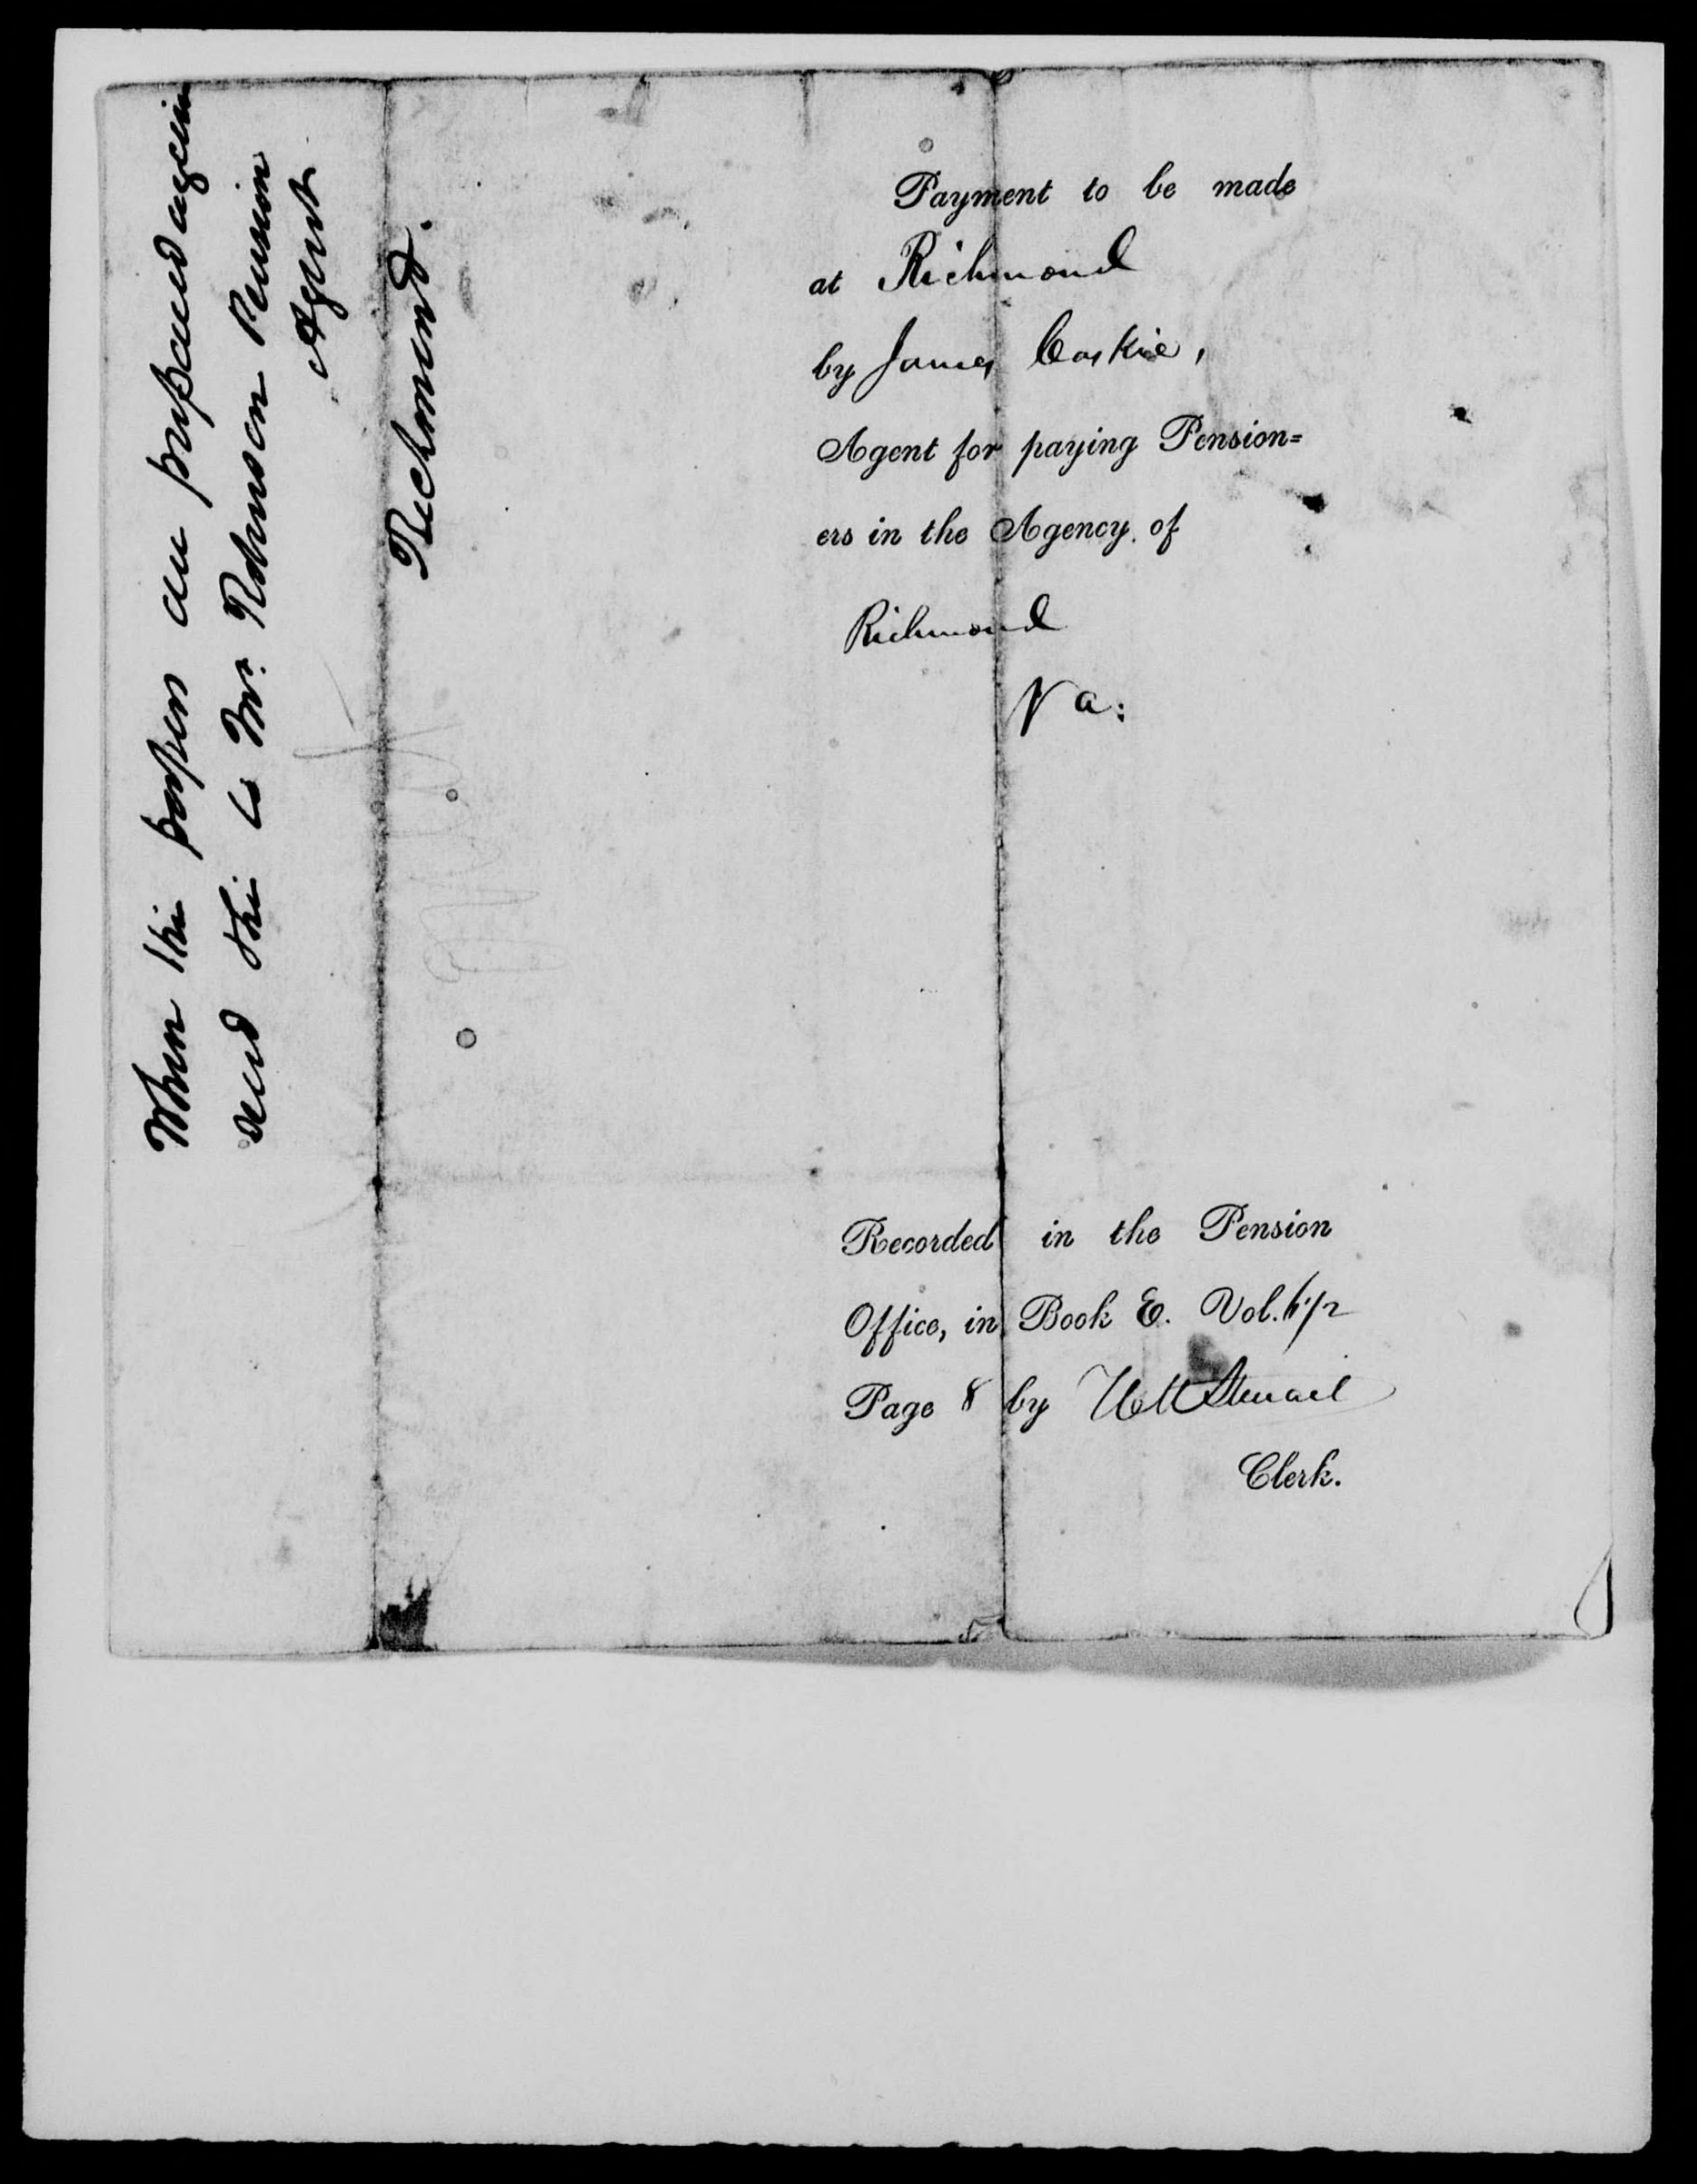and 
When the papers are prepared again send this to Mr Robinson Pension Agent
Richmond


Payment to be made
Richmond
by James Coskie
Agent for paying Pensioners in the
Agency of
Richmond Va


Recorded
in the Pension
Office, in Book E. Vol. ½
Page 8
[illegible] Stewart Clerk.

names: H M Stewart, Robinson, James Coskie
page: 37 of 61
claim: survivor's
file: S. 8236, Daniel Cole, Va.